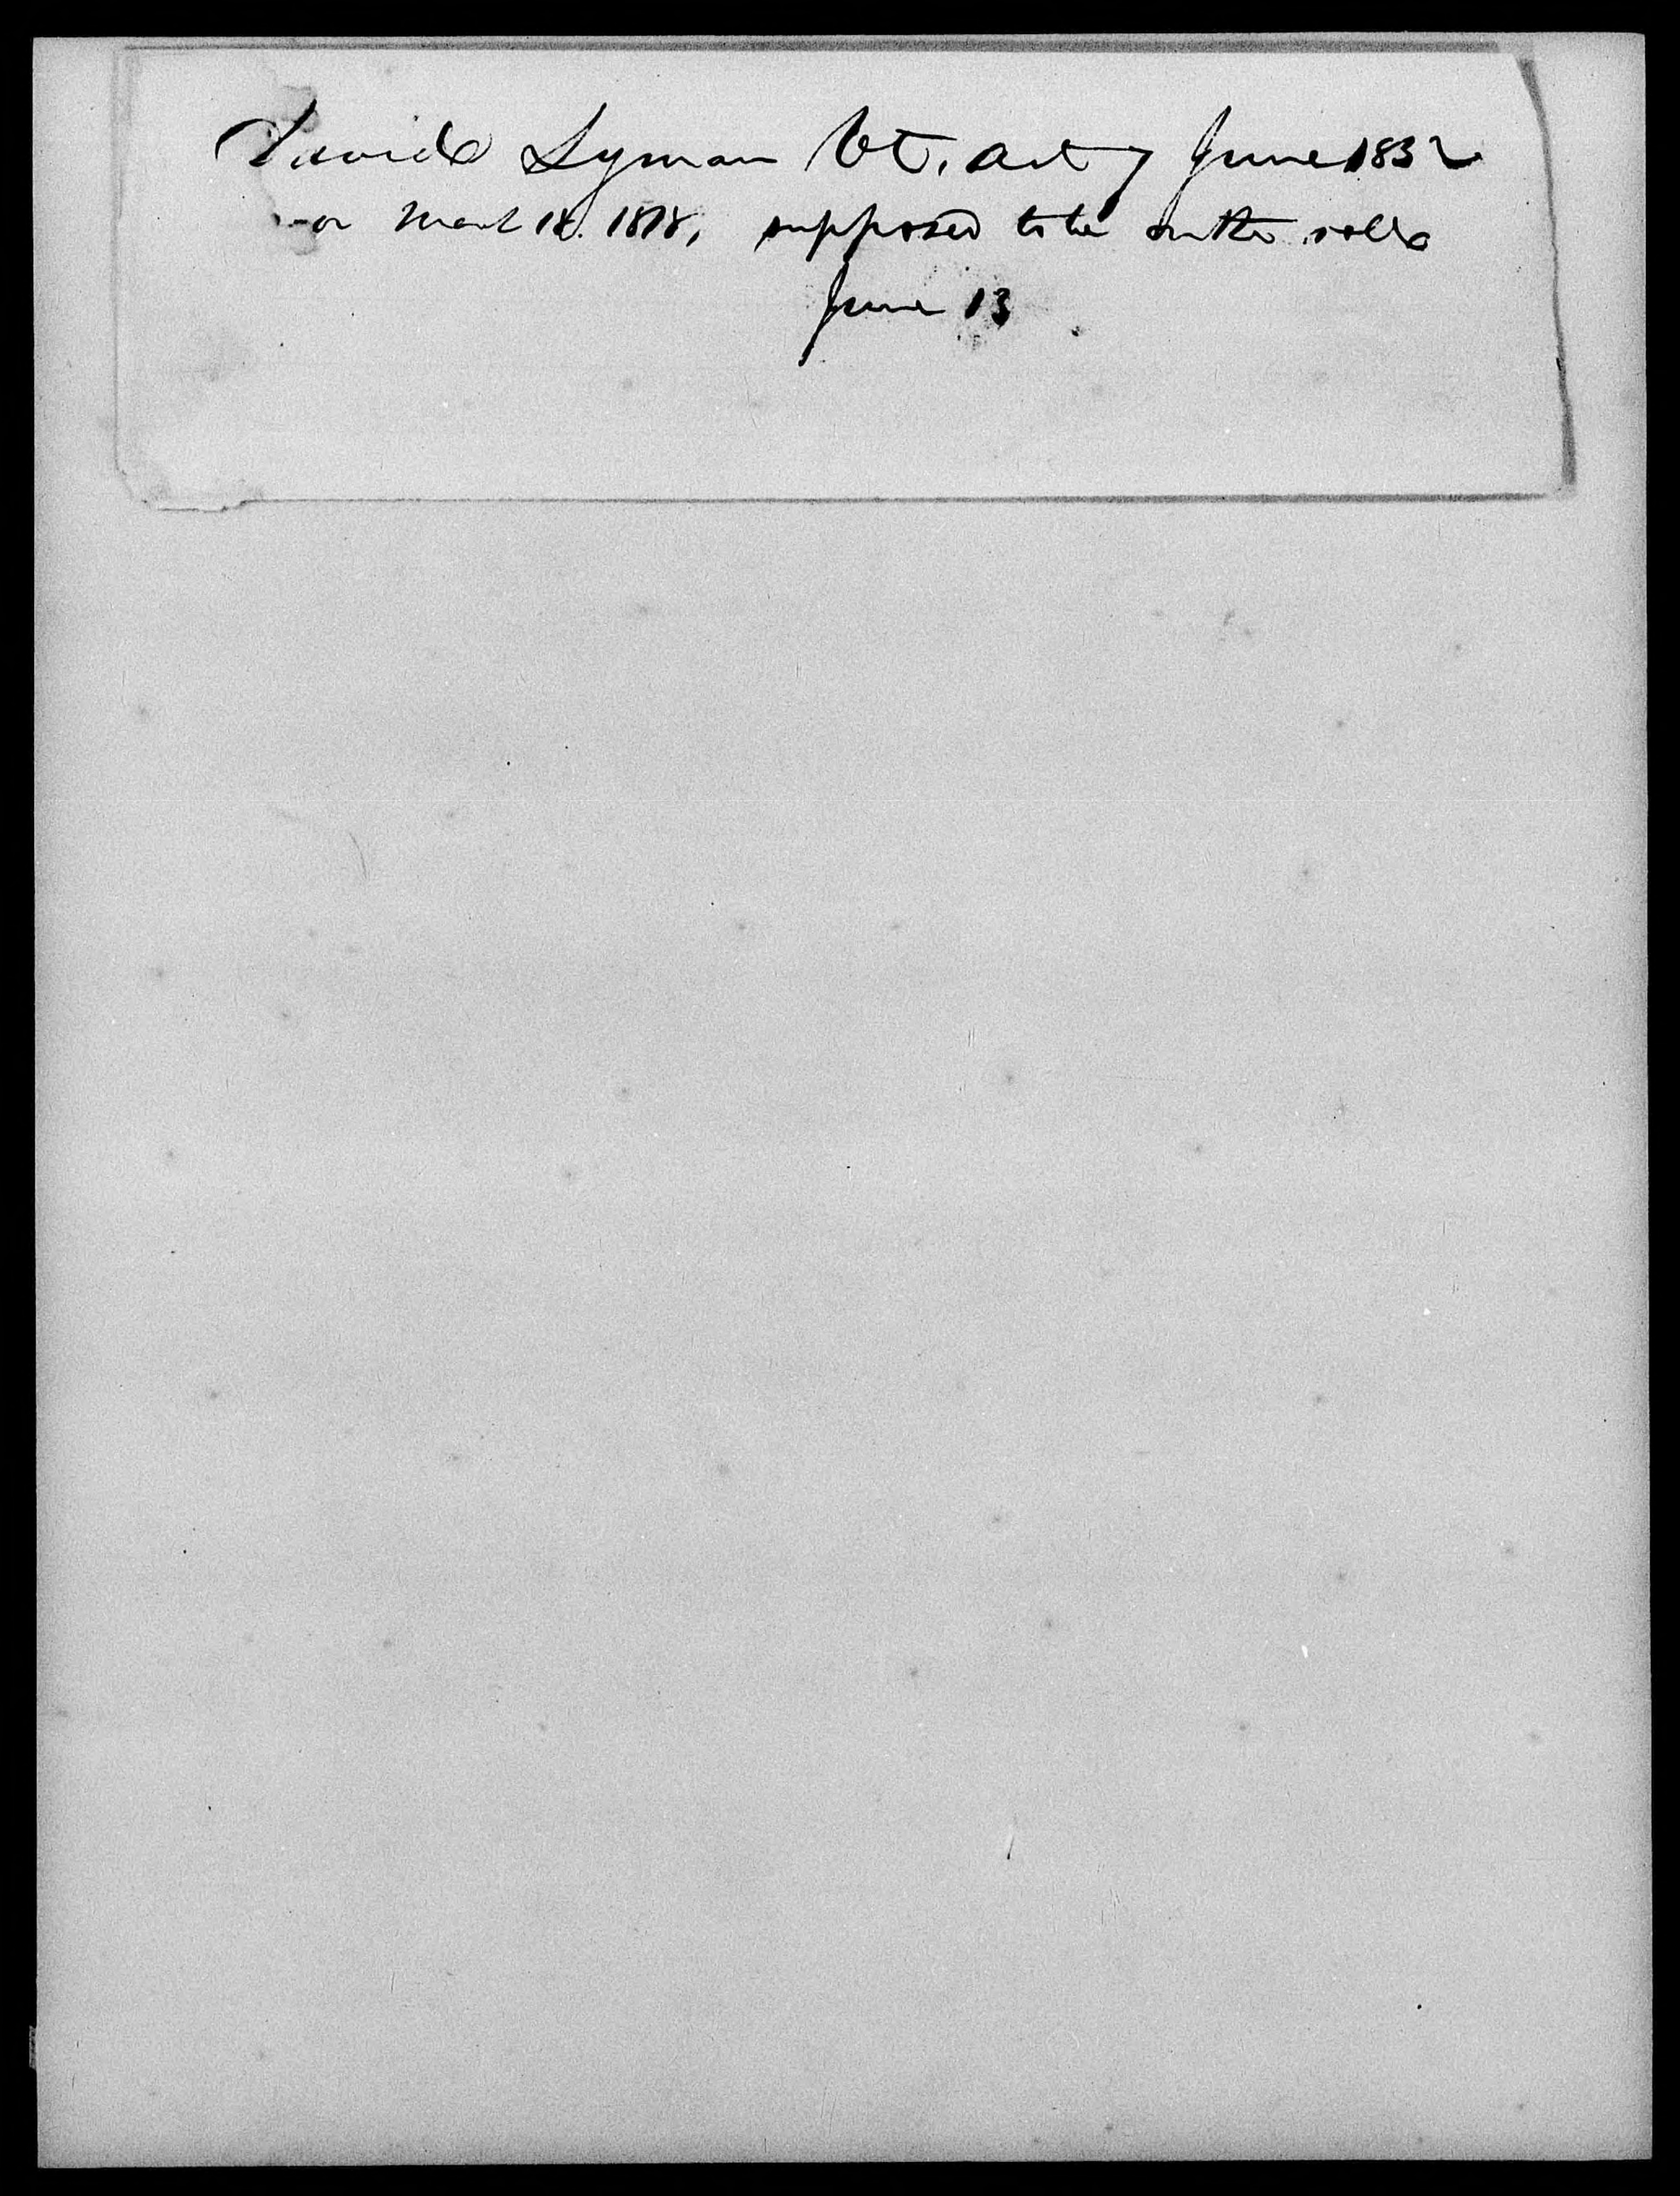David Lyman Notary June 1832
for March 18, 1878 supposed to be on the roll 
June 13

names: David Lyman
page: 17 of 21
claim: rejected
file: R. 6444, for Gamaliel Loomis, Connecticut